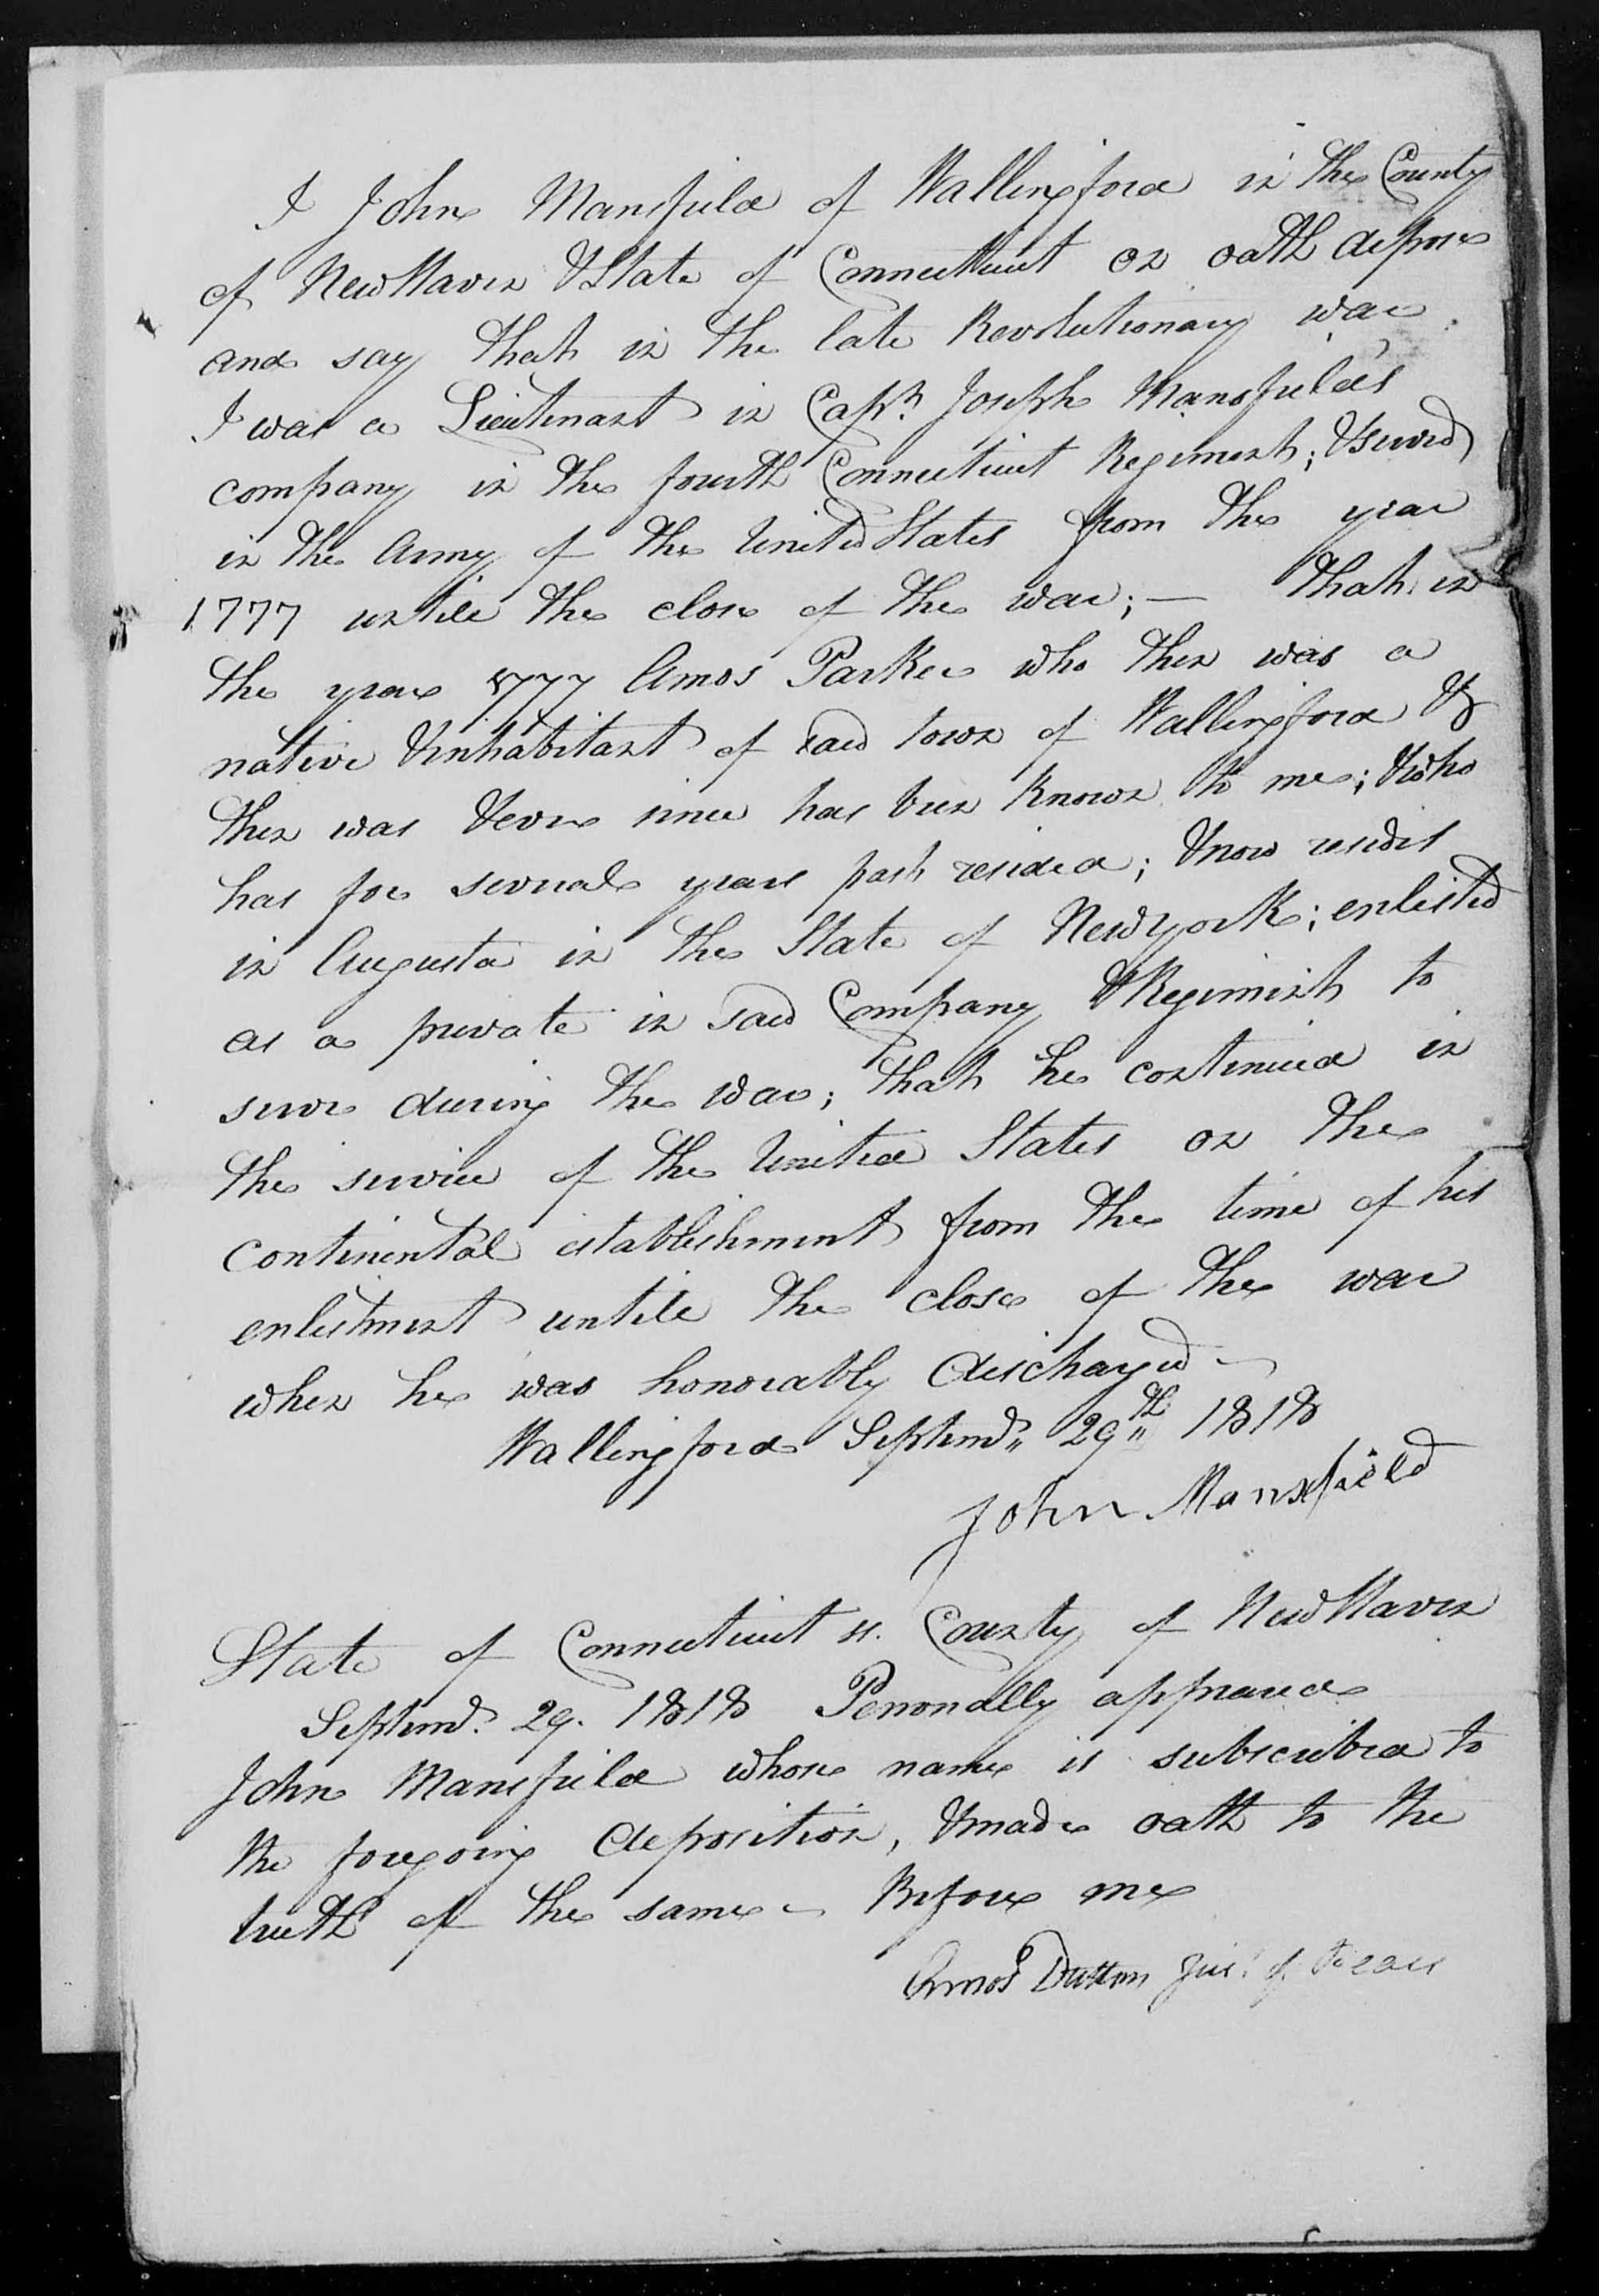I John Mansfield of Wallingford in the County
of New Haven & State of Connecticut on oath deposes
and say that in the late Revolutionary war
I was a Lieutenant in Capt Joseph Mansfield
company in this fourth Connecticut Regiment, & served
in the Army of the United States from this year
1777 until the close of the war; - that in
the year 1777 Amos Parker who then was a
native & inhabitant of said town of Wallingford &
this was & ever since has been known the me, & who
has for several years past resided; & now resides
in Augusta in the State of New York; enlisted
as a private in said Company & Regiment to
serve during the war, that he continued in
the service of the United States on the
continental establishment from the time of his
enlistment untill the close of the war
when he was honorably discharged
Wallingford Septemr 29th 1818
John Mansfield
State of Connecticut in County of New Haven
Septemr 29. 1818 Personally appeared
John Mansfield whose name is subscribed to
the foregoing deposition, & made oath to the
truth of the same. Before me
Amos Dutton Just of Peace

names: Amos Dutton; Amos Parker; John Mansfield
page: 10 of 31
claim: survivor's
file: S. 43766, for Amos Parker, Connecticut